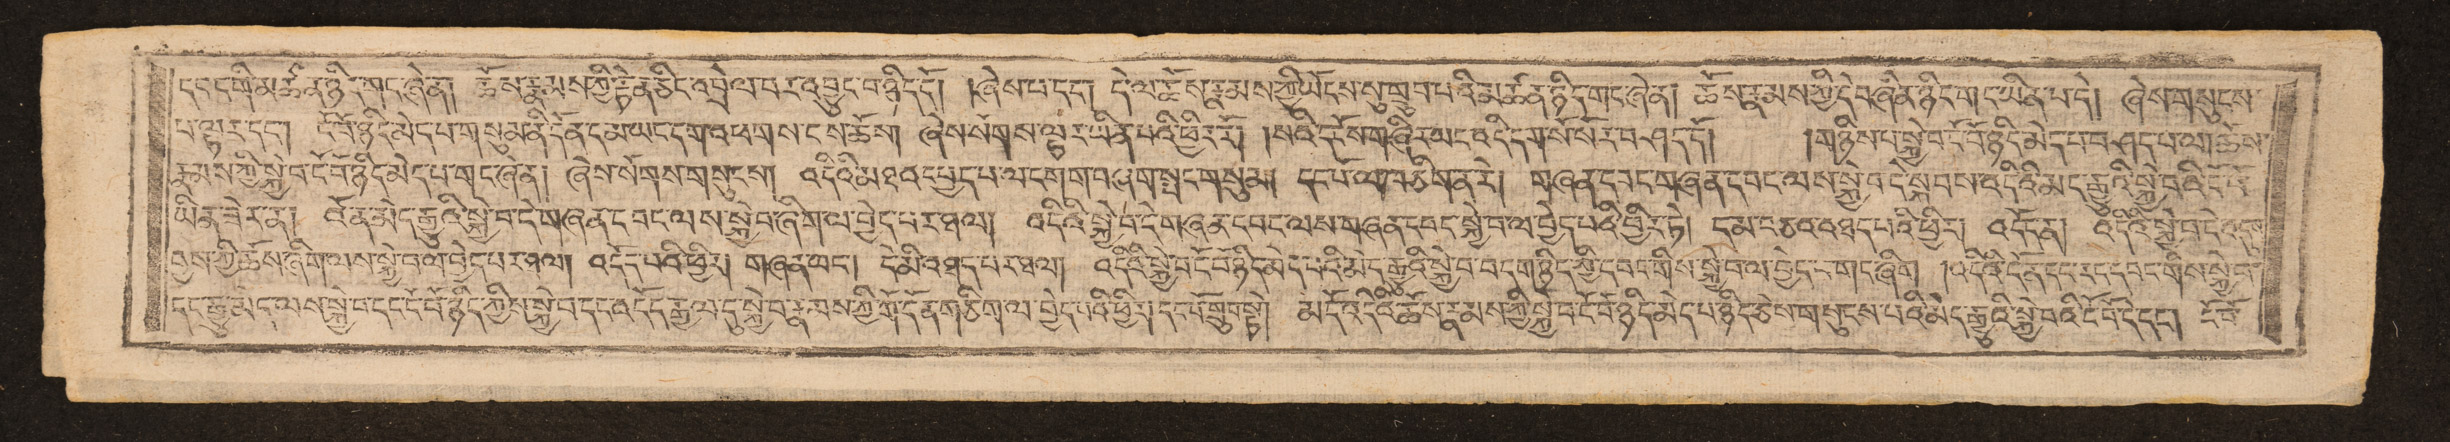དབང་གི་མཚན་ཉིད་གང་ཞེ་ན། ཆོས་རྣམས་ཀྱི་རྟེན་ཅིང་འབྲེལ་བར་འབྱུང་བ་ཉིད་དོ། །ཞེས་པ་དང་། དེ་ལ་ཆོས་རྣམས་ཀྱི་ཡོངས་སུ་གྲུབ་པའི་མཚན་ཉིད་གང་ཞེ་ན། ཆོས་རྣམས་ཀྱི་དེ་བཞིན་ཉིད་གང་ཡིན་པ་དེ། ཞེས་གསུངས་
པ་ལྟར་དང་། ངོ་བོ་ཉིད་མེད་པ་གསུམ་ནི་དོན་དམ་ཡང་དག་འཕགས་པས་ཆོས། ཞེས་སོགས་ལྟར་ཡིན་པའི་ཕྱིར་རོ། །སའི་དངོས་གཞིར་ཡང་འདི་དག་སོ་སོར་བཤད་དོ། །གཉིས་པ་སྐྱེ་བ་ངོ་བོ་ཉིད་མེད་པ་བཤད་པ་ལ། ཆོས་
རྣམས་ཀྱི་སྐྱེ་བ་ངོ་བོ་ཉིད་མེད་པ་གང་ཞེ་ན། ཞེས་སོགས་གསུངས། འདིའི་མཐའ་དཔྱད་པ་ལ་དགག་བཞག་སྤང་གསུམ། དང་པོ་ལ་ཁ་ཅིག་ན་རེ། གཞན་དབང་གཞན་དབང་ལས་སྐྱེ་བ་དེ་སྐབས་འདིའི་མེད་རྒྱུའི་སྐྱེ་བའི་ངོ་བོ་
ཡིན་ཟེར་ན། འོ་ན་མེད་རྒྱུའི་སྐྱེ་བ་དེ་གཞན་དབང་ལས་སྐྱེ་བ་ཞིག་ལ་བྱེད་པར་ཐལ། འདིའི་སྐྱེ་བ་དེ་གཞན་དབང་ལས་གཞན་དབང་སྐྱེ་བ་ལ་བྱེད་པའི་ཕྱིར་ཏེ། དམ་བཅའ་འཐད་པའི་ཕྱིར། འདོད་ན། འདིའི་སྐྱེ་བ་དེ་འདུས་
བྱས་ཀྱི་ཆོས་ཞིག་ལས་སྐྱེ་བ་ལ་བྱེད་པར་ཐལ། འདོད་པའི་ཕྱིར། གཞན་ཡང་། དེ་མི་འཐད་པར་ཐལ། འདིའི་སྐྱེ་བ་ངོ་བོ་ཉིད་མེད་པའི་མེད་རྒྱུའི་སྐྱེ་བ་བདག་ཉིད་ཀྱི་དབང་གིས་སྐྱེ་བ་ལ་བྱེད་པ་གང་ཞིག །འདིའི་དོན་དང་རང་དབང་གིས་སྐྱེ་བ་
དང་རྒྱུ་མེད་ལས་སྐྱེ་བ་དང་ངོ་བོ་ཉིད་ཀྱིས་སྐྱེ་བ་དང་འདོད་རྒྱལ་དུ་སྐྱེ་བ་རྣམས་ཀྱི་གོ་དོན་གཅིག་ལ་བྱེད་པའི་ཕྱིར། དང་པོ་གྲུབ་སྟེ། མདོ་འདིའི་ཆོས་རྣམས་ཀྱི་སྐྱེ་བ་ངོ་བོ་ཉིད་མེད་པ་ཉིད་ཅེས་གསུངས་པའི་མེད་རྒྱུའི་སྐྱེ་བའི་ངོ་བོ་དེ་དང་། ངོ་བོ་